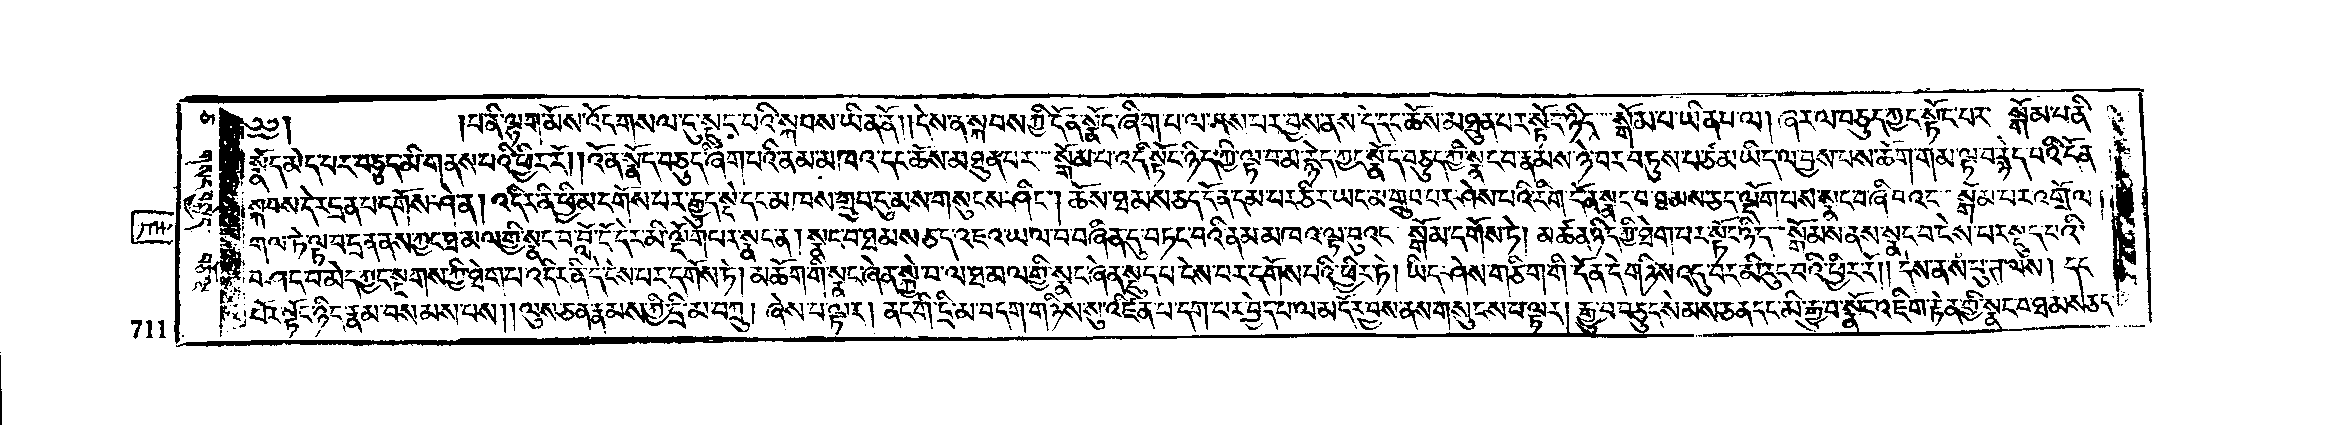༄༅། །པ་ནི་ལྷག་མོས་འོད་གསལ་དུ་སྡུད་པའི་སྐབས་ཡིན་ནོ། །དེས་ན་སྐབས་ཀྱི་དོན་སྣོད་ཞིག་པ་ལ་ཤས་པར་བྱས་ནས་དེ་དང་ཆོས་མཐུན་པར་སྟོང་ཉིད་སྒོམ་པ་ཡིན་པ་ལ། ཞར་ལ་བཅུད་ཀྱང་སྟོང་པར་སྒོམ་པ་ནི་
སྣོད་མེད་པར་བཅུད་མི་གནས་པའི་ཕྱིར་རོ། །འོ་ན་སྣོད་བཅུད་ཞིག་པའི་ནམ་མཁའ་དང་ཆོས་མཐུན་པར་སྒོམ་པ་འདི་སྟོང་ཉིད་ཀྱི་ལྟ་བ་མ་རྙེད་ཀྱང་སྣོད་བཅུད་ཀྱི་སྣང་བ་རྣམས་ཉེ་བར་བཏུས་པ་ཙམ་ཡིད་ལ་བྱས་པས་ཆོག་གམ་ལྟ་བ་རྙེད་པའི་དོན་
སྐབས་དེར་དྲན་པ་དགོས་ཤེ་ན། འདིར་ནི་ཕྱི་མ་དགོས་པར་རྒྱུད་སྡེ་དང་མཁས་གྲུབ་དུ་མས་གསུངས་ཤིང་། ཆོས་ཐམས་ཅད་དོན་དམ་པར་ཅིར་ཡང་མ་གྲུབ་པར་ཤེས་པའི་རིག་དོན་?་སྣང་བ་ཐམས་ཅད་ལྡོག་པས་སྣང་བ་ཞི་བའང་སྒོམ་པར་འགྲོལ།
གལ་ཏེ་ལྟ་བ་དྲན་ནས་ཀྱང་ཐ་མལ་གྱི་སྣང་བ་བློ་ངོ་དེར་མི་ལྡོག་པར་སྣང་ན། སྣང་བ་ཐམས་ཅད་འཇའ་ཡལ་བ་བཞིན་དུ་བཏང་བའི་ནམ་མཁའ་ལྟ་བུའང་སྒོམ་དགོས་ཏེ། མཚན་ཉིད་ཀྱི་ཐེག་པར་སྟོང་ཉིད་སྒོམས་ནས་སྣང་བ་ངེས་པར་སྡུད་པའི་
བཤད་པ་མེད་ཀྱང་སྔགས་ཀྱི་ཐེག་པ་འདིར་ནི་དེ་ངེས་པར་དགོས་ཏེ། མཆོག་གི་སྣང་ཞེན་སྐྱེ་བ་ལ་ཐ་མལ་གྱི་སྣང་ཞེན་སྡུད་པ་ངེས་པར་དགོས་པའི་ཕྱིར་ཏེ། ཡིད་ཤེས་གཅིག་གི་དོན་དེ་གཉིས་འདུ་བར་མི་རུང་བའི་ཕྱིར་རོ། །དེས་ན་སཾ་པུ་ཊ་ལས། དང་
པོར་སྟོང་ཉིད་རྣམ་བསམས་པས། །ལུས་ཅན་རྣམས་ཀྱི་དྲི་མ་བཀྲུ། ཞེས་པ་ལྟར། ནང་གི་དྲི་མ་བདག་གཉིས་སུ་འཛིན་པ་དག་པར་བྱེད་པ་ལ་མདོར་བྱས་ནས་གསུངས་པ་ལྟར། རྒྱུ་བ་བཅུད་སེམས་ཅན་དང་མི་རྒྱུ་བ་སྣོད་འཇིག་རྟེན་གྱི་སྣང་བ་ཐམས་ཅད་